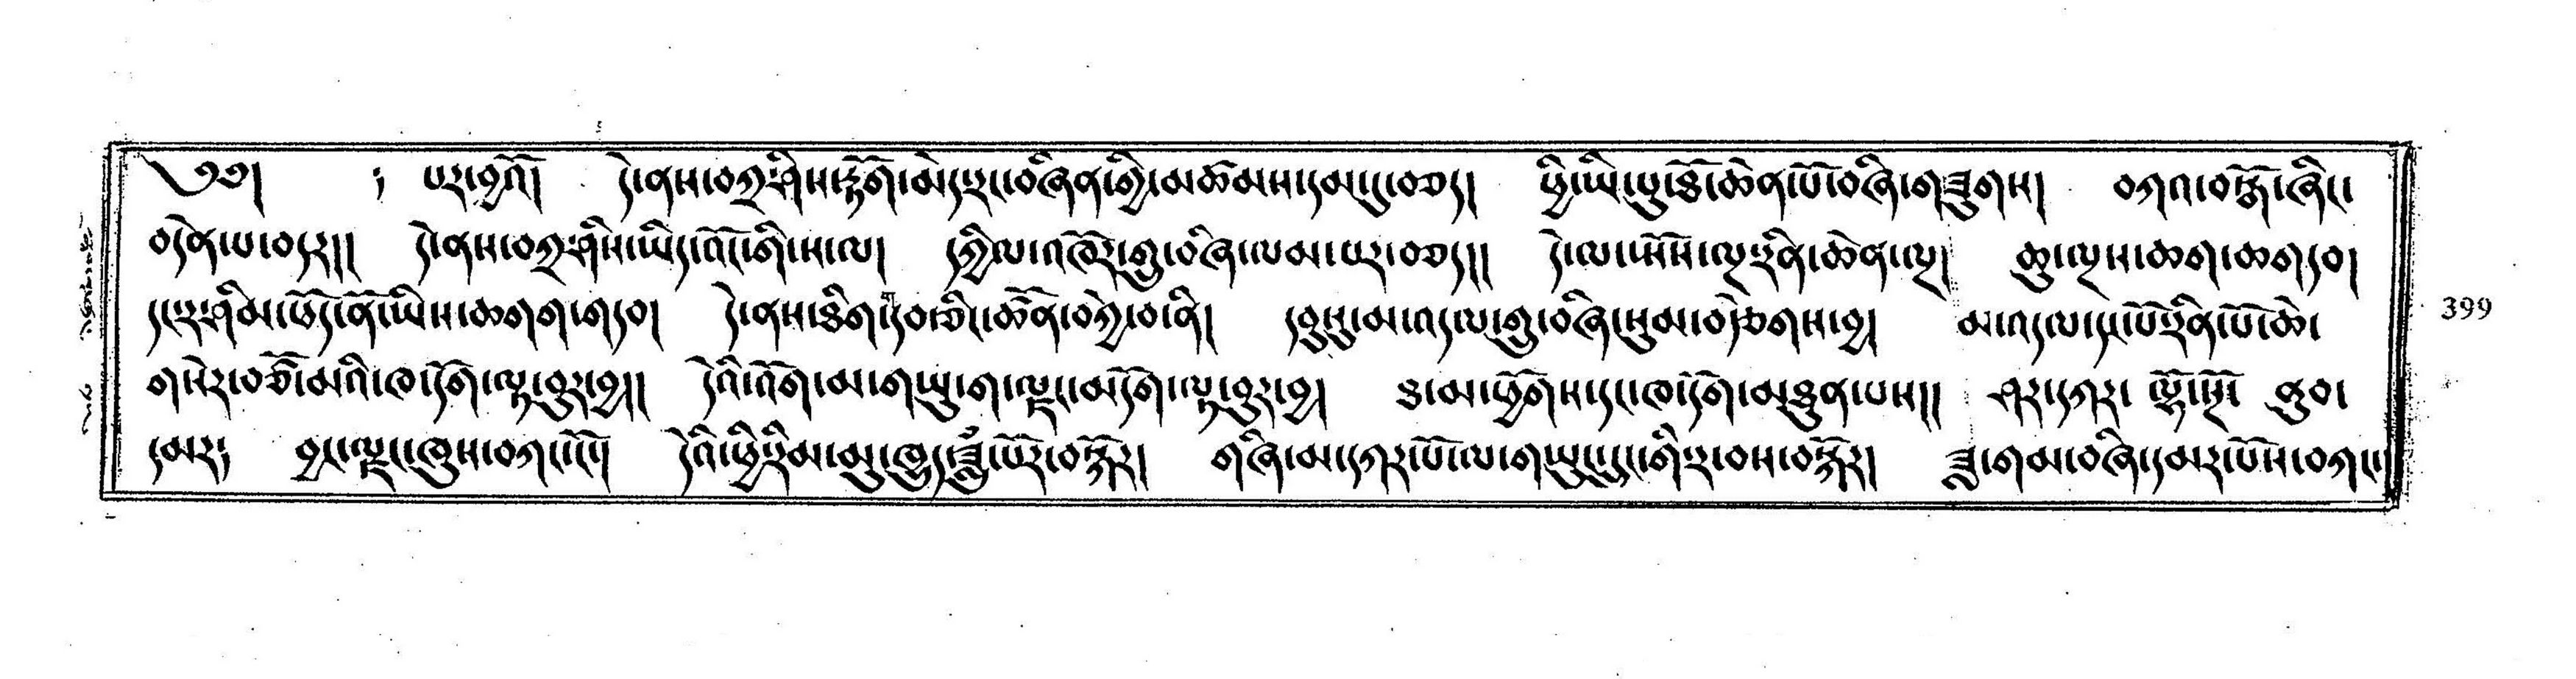པར་བྱའོ། དེ་ནས་བཀྲ་ཤིས་རྟོག་མེད་རང་བཞིན་གྱི་མཚམས་དམ་དུ་བཅད། ཕྱི་ཡི་པུ་ཐོ་ཆེན་པོ་བཞི་གཟུགས། བཀའ་བསྒོ་ཞིང་
བདེན་པ་བདར།། དེ་ནས་བཀྲ་ཤིས་ཡིད་འོང་གི་ས་ལ། དཀྱིལ་འཁོར་གྲུ་བཞི་ལམ་པར་བཅད།། དེ་ལ་སྤོས་ལྔ་རིན་ཆེན་ལྔ། ཆུ་ལྔས་ཆག་ཆག་གདབ། 
དང་ར་ཤིམ་ཕོད་ནོ་ཡིས་ཆག་ཆག་གདབ། དེ་ནས་ཐིག་གདབ་ཅིང་ཚོན་བཀྱེ་བ་ནི། དབུས་སུ་མ་འདལ་གྲུ་བཞི་སུམ་བརྩེགས་བྱ། མ་འདལ་དང་པོ་རིན་པོ་ཆེ་
གསེར་བཙོ་མའི་ཁ་དོག་ལྟ་བུར་བྱ།། དེའི་འོག་མ་གཡུ་ག་ལྗང་མདོག་ལྟ་བུར་བྱ། ཐ་མ་ཕྱོགས་དང་ཁ་དོག་མཐུན་པས།། ཤར་དཀར་ལྷོ་སྔོ་ནུབ་
དམར་བྱང་ལྗང་ཁུས་བཀང་ངོ་། དེའི་ཕྱི་རིམ་མུ་ཁྱུད་ཟླུམ་པོར་བསྐོར། གཞི་མ་དཀར་པོ་ལ་གཡུང་དྲུང་གི་ར་བས་བསྐོར། ཟླ་གམ་བཞི་དམར་པོས་བཀང་། {409}